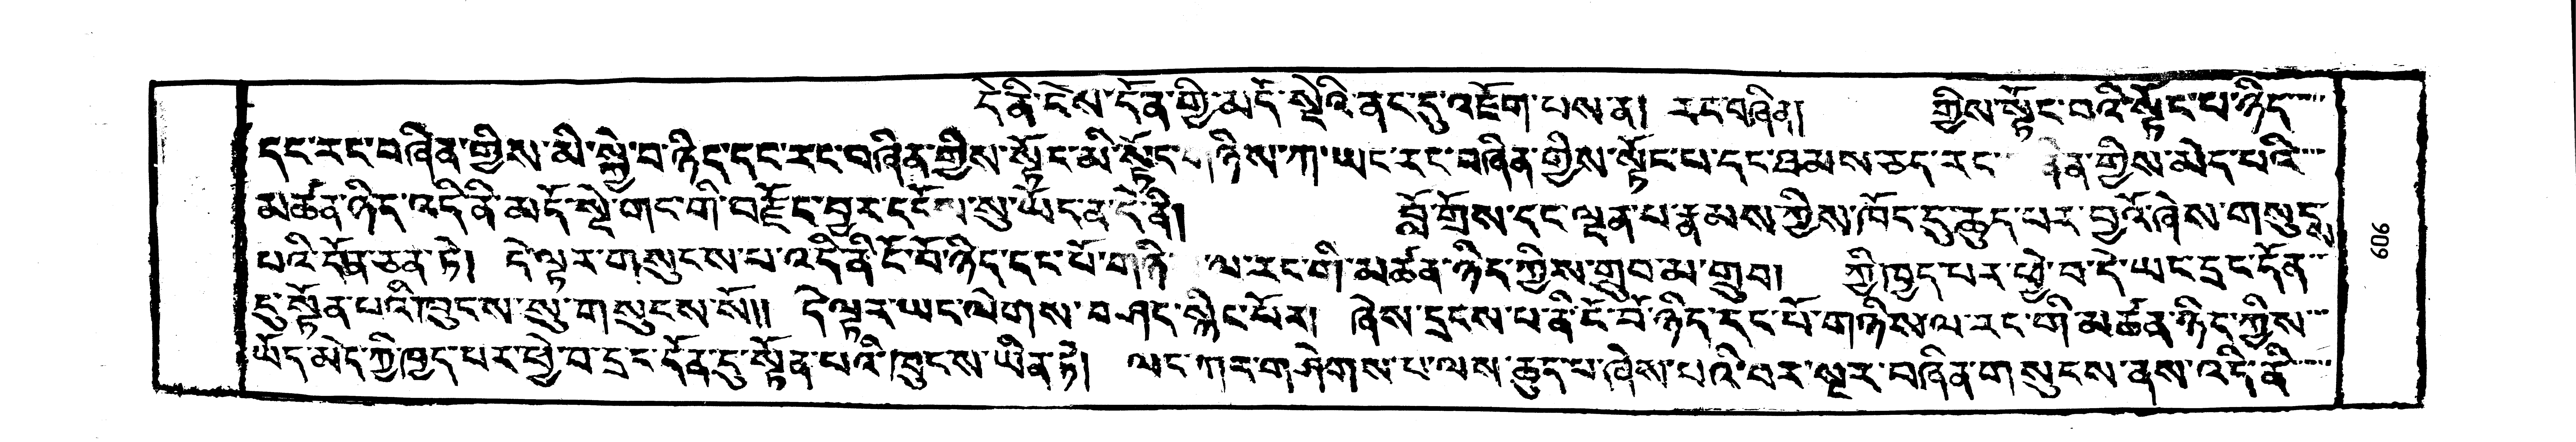དེ་ནི་ངེས་དོན་གྱི་མདོ་སྡེའི་ནང་དུ་འཇོག་པས་ན། རང་བཞིན། གྱིས་སྟོང་བའི་སྟོང་པ་ཉིད་
དང་རང་བཞིན་གྱིས་མི་སྐྱེ་བ་ཉིད་དང་རང་བཞིན་གྱིས་སྟོང་མི་སྟོང་གཉིས་ཀ་ཡང་རང་བཞིན་གྱིས་སྟོང་པ་དང་ཐམས་ཅད་རང་བཞིན་གྱིས་མེད་པའི་
མཚན་ཉིད་འདི་ནི་མདོ་སྡེ་གང་གི་བརྗོད་བྱར་དངོས་སུ་ཡོད་ན་དེ་ནི། བློ་གྲོས་དང་ལྡན་པ་རྣམས་ཀྱིས་ཁོང་དུ་ཆུད་པར་བྱའོ་ཞེས་གསུངས་
པའི་དོན་ཅན་ཏེ། དེ་ལྟར་གསུངས་པ་འདི་ནི་ངོ་བོ་ཉིད་དང་པོ་གཉིས་ལ་རང་གི་མཚན་ཉིད་ཀྱིས་གྲུབ་མ་གྲུབ། ཀྱི་ཁྱད་པར་ཕྱེ་བ་དེ་ཡང་དྲང་དོན་
དུ་སྟོན་པའི་ཁུངས་སུ་གསུངས་སོ། །དེ་ལྟར་ཡང་ལེགས་བཤད་སྙིང་པོར། ཞེས་དྲངས་པ་ནི་ངོ་བོ་ཉིད་དང་པོ་གཉིས་ལ་རང་གི་མཚན་ཉིད་ཀྱིས་
ཡོད་མེད་ཀྱི་ཁྱད་པར་ཕྱེ་བ་དྲང་དོན་དུ་སྟོན་པའི་ཁུངས་ཡིན་ཏེ། ལང་ཀར་གཤེགས་པ་ལས་ཆུད་པ་ཞེས་པའི་བར་སྔར་བཞིན་གསུངས་ནས་འདི་ནི་